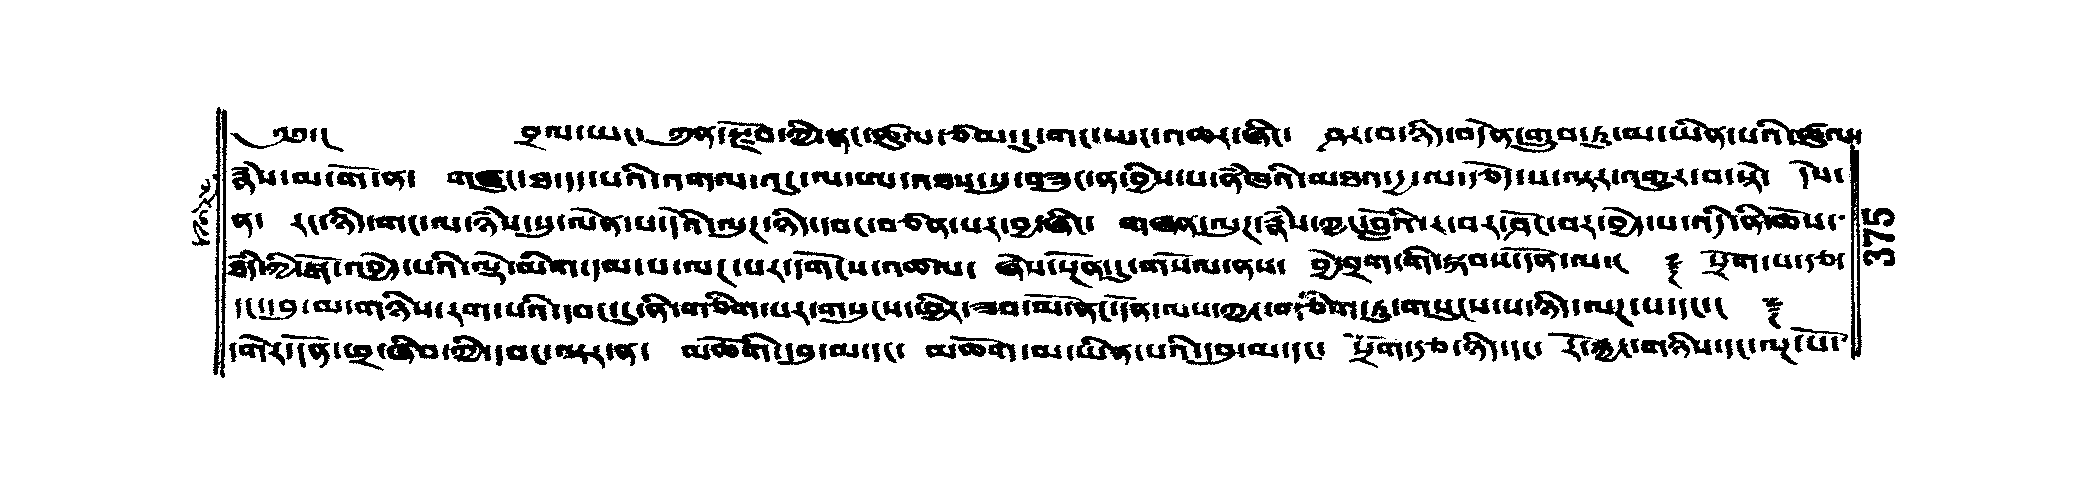བྲལ་ཡང་། ཀུན་རྫོབ་ཀྱི་སྣང་ཚུལ་ཙམ་དུ་གང་ཡང་འཆར་ཞིང་།ཤར་བ་ཉིད་བདེན་གྲུབ་ཏུ་མ་ཡིན་པའི་ཚུལ་
རྣམས་མ་གོ་ན། གཞུང་ཐ་དད་པའི་འགལ་འདུ་ལ་ཨ་འཐས་སུ་བཟུང་ན་བྱིས་པ་ནམ་མཁའི་མཐའ་རྒྱ་ལ་རྩོད་པ་ལྟར་འགྱུར་བ་སྟེ། དེས་
ན། རང་ཉིད་གང་ལ་ཉམས་སུ་ལེན་པ་དེའི་ལུགས་ཉིད་དབང་བཙན་པར་བྱ་ཞིང་། གཞན་ལུགས་རྣམས་ཀྱང་བློའི་ར་བར་ཤོང་བར་བྱེད་པ་འདི་ནི་ཆོས་
ཐམས་ཅད་ཀྱི་སྒོ་འབྱེད་པའི་ལྡེ་མིག་དམ་པ་ལགས་པར་དགོངས་འཚལ། ཞེས་སྔོན་དུ་གསོལ་ནས། བྱེ་བྲག་གི་སྐབས་དོན་ལ། སྲོག་པ་རྩ་
དང་དབུ་མ་གཉིས་རགས་པའི་དབང་དུ་ནི་གཅིག་པར་གསུངས་ཕྱིར་ཟབ་མོ་ནང་དོན་ལས་ཀྱང་གཅིག་ཏུ་གསུངས་པ་ཉིད་ལགས་པ་དང་། 
དེ་དག་གི་དོན་ཕྲ་ཞིབ་ཀྱི་དབང་ལྟར་ན། མཆོག་གི་དབུ་མ་དང་། མཆོག་མ་ཡིན་པའི་དབུ་མ་དང་། སྲོག་རྩ་ཉིད་དང་། རོ་རྐྱང་གཉིས་དང་ལྔ་པོ་